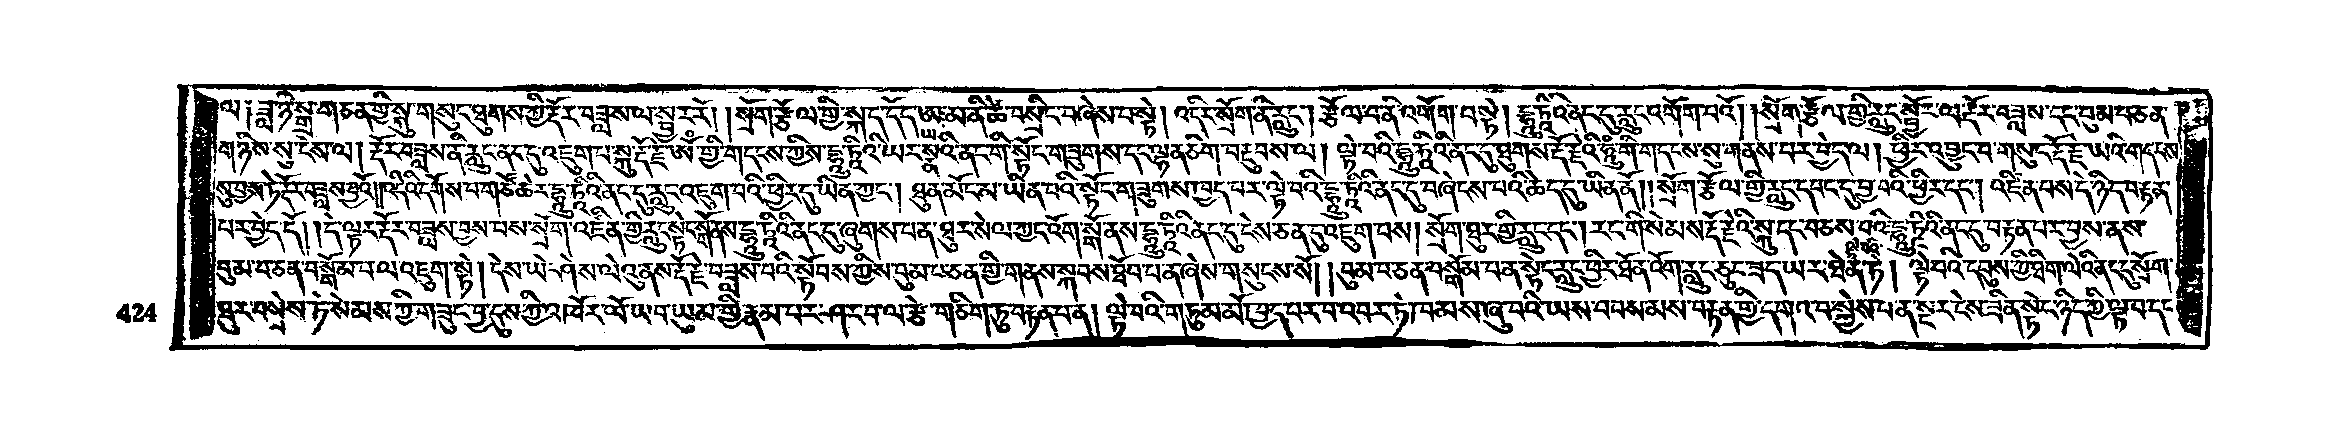ལ། ཟླ་ཉི་སྒྲ་གཅན་གྱི་སྐུ་གསུང་ཐུགས་ཀྱི་རྡོར་བཟླས་ལ་སྦྱར་རོ། །སྲོག་རྩོལ་གྱི་སྐད་དོད་ཨ་ཡ་མ་ནི་ཚེ་བསྲིང་བ་ཞེས་པ་སྟེ། འདིར་སྲོག་ནི་རླུང་། རྩོལ་བ་ནི་འགོག་པ་སྟེ། དྷཱུ་ཏཱིའི་ནང་དུ་རླུང་འགོག་པའོ། །སྲོག་རྩོལ་གྱི་རླུང་སྦྱོར་ལ་རྡོར་བཟླས་དང་བུམ་པ་ཅན་
གཉིས་སུ་ངེས་ལ། རྡོར་བཟླས་ནི་རླུང་ནང་དུ་འཇུག་པ་སྐུ་རྡོ་རྗེ་ཨོཾ་གྱི་གདངས་ཀྱིས་དྷཱུ་ཏཱིའི་ཡར་སྣའི་ནང་གི་སྟོང་གཟུགས་དང་ལྷན་ཅིག་བརྡུབས་ལ། ལྟེ་བའི་དྷཱུ་ཏཱིའི་ནང་དུ་ཐུགས་རྡོ་རྗེའི་ཧཱུཾ་གི་གདངས་སུ་གནས་པར་བྱེད་ལ། ཕྱིར་འབྱུང་བ་གསུང་རྡོ་རྗེ་ཨཱི་གདངས་
སུ་བྱས་ཏེ་རྡོར་བཟླས་བྱའོ། །འདིའི་དགོས་པ་གཙོ་ཆེར་དྷཱུ་ཏཱིའི་ནང་དུ་རླུང་འཇུག་པའི་ཕྱིར་དུ་ཡིན་ཀྱང་། ཐུན་མོང་མ་ཡིན་པའི་སྟོང་གཟུགས་ཁྱད་པར་ལྟེ་བའི་དྷཱུ་ཏཱིའི་ནང་དུ་བཞེངས་པའི་ཆེད་དུ་ཡིན་ནོ། །སྲོག་རྩོལ་གྱི་རླུང་དབང་དུ་བྱ་བའི་ཕྱིར་དང་། འཛིན་པས་དེ་ཉིད་བརྟན་
པར་བྱེད་དོ། །དེ་ལྟར་རྡོར་བཟླས་བྱས་པས་སྲོག་འཛིན་གྱི་རླུང་སྟེང་སྒོ་ནས་དྷཱུ་ཏཱིའི་ནང་དུ་ཞུགས་པ་ན་ཐུར་སེལ་ཀྱང་འོག་སྒོ་ནས་དྷཱུ་ཏཱིའི་ནང་དུ་ངེས་ཅན་དུ་འཇུག་པས། སྲོག་ཐུར་གྱི་རླུང་དང་། རང་གི་སེམས་རྡོ་རྗེའི་སྐུ་དང་བཅས་པའི་ལྟེ་བའི་དྷཱུ་ཏཱིའི་ནང་དུ་བརྟན་པར་བྱས་ནས་
བུམ་པ་ཅན་བསྒོམ་པ་ལ་འཇུག་སྟེ། དེས་ཡེ་ཤེས་ལེའུ་ནས་རྡོ་རྗེ་བཟླས་པའི་སྟོབས་ཀྱིས་བུམ་པ་ཅན་གྱི་གནས་སྐབས་ཐོབ་པ་ན་ཞེས་གསུངས་སོ། །བུམ་པ་ཅན་བསྒོམ་པ་ན་སྟེང་རླུང་ཕྱིར་ཐོན་འོག་རླུང་ཅུང་ཟད་ཡར་ཐེན་ཏེ། ལྟེ་བའི་དབུས་ཀྱི་ཐིག་ལེའི་ནང་དུ་སྲོག་
ཐུར་བསྲེས་ཏེ་སེམས་ཀྱི་གཟུང་བྱ་དུས་ཀྱི་འཁོར་ལོ་ཡབ་ཡུམ་གྱི་རྣམ་པར་ཤར་བ་ལ་རྩེ་གཅིག་ཏུ་བརྟན་པ་ན། ལྟེ་བའི་གཏུམ་མོ་ཁྱད་པར་བ་འབར་ཏེ་ཁམས་ཞུ་བའི་ཡས་བབས་མས་བརྟན་གྱི་དགའ་བ་སྐྱེས་པ་ན་སྔར་ངེས་ཟིན་སྟེང་ཉིད་ཀྱི་ལྟ་བ་དང་